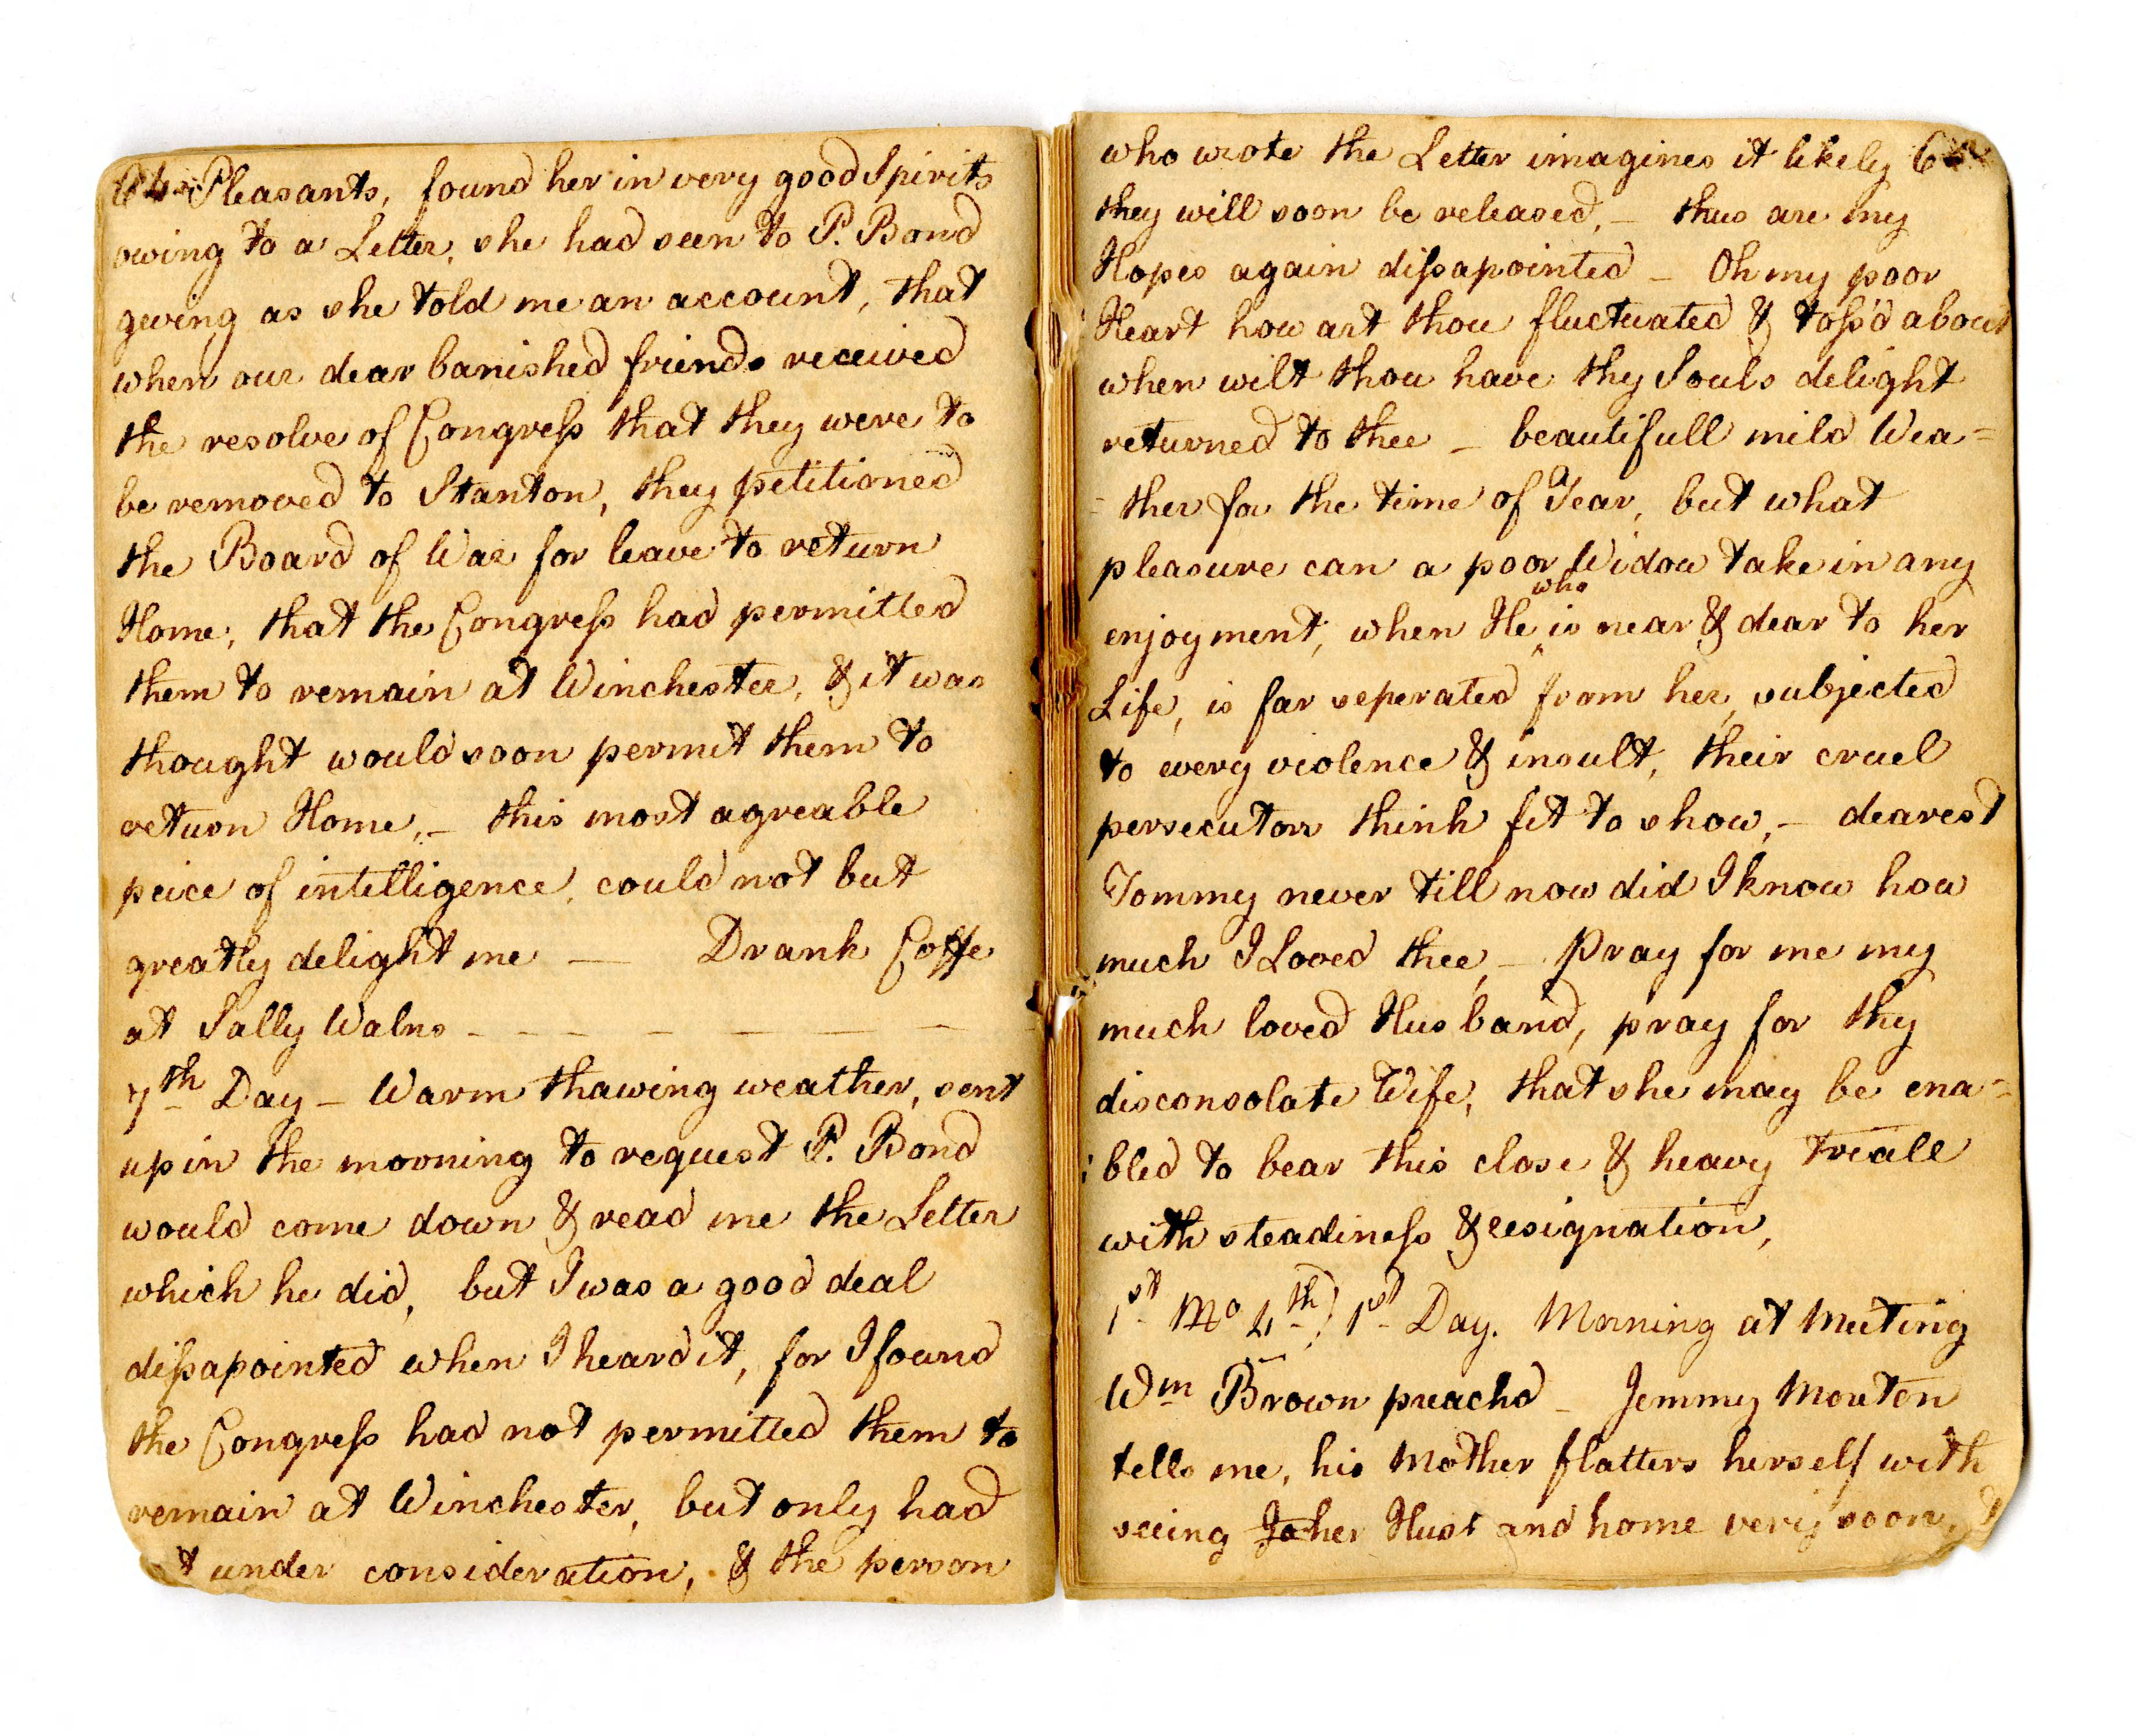Pleasants, found her in very good Spirits
owing to a Letter, she had seen to P. Band
giving as she told me an account, that
when our dear banished friends received
the resolve of Congress that they were to
be removed to Stanton they petitioned
the Board of War for leave to return
Home, that the Congress had permitted
them to remain at Winchester, & it was
thought would soon permit them to
return Home,- this most agreable
peice of intelligence could not but
greatly delight me- Drank Coffe
at Sally Walns--
7^th Day- Warm thawing weather, sent
up in the morning to request P. Bond
would come down & read me the Letter
which he did, but I was a good deal
dissapointed when I heard it, for I found
the Congress had not permitted them to
remain at Winchester, but only had
& under consideration, & the person
who wrote the Letter imagines it likely
they will soon be released,- thus are my
Hopes again dissapointed- Oh my poor
Heart how art thou fluctuated & toss'd about
when wilt thou have thy Souls delight
returned to thee- beautifull mild Wea-
-ther for the time of Year, but what
pleasure can a poor Widow take in any
who
enjoyment, when He ^ is near & dear to her
Life, is far seperated from her, subjected
to every violence & insult, their cruel
persecuton think fit to show- dearest
Tommy never till now did I know how
much I Loved thee,- Pray for me my
much loved Husband, pray for thy
disconsolate Wife, that she may be ena-
-bled to bear this close & heavy triall
with steadiness & resignation,
1^st M^o 4^th) 1^st Day. Morning at Meeting
W^m Brown preachd- Jemmy Moreton
tell me, his Mother flatters herself with
seeing [Joher] Hust and home very soon, &